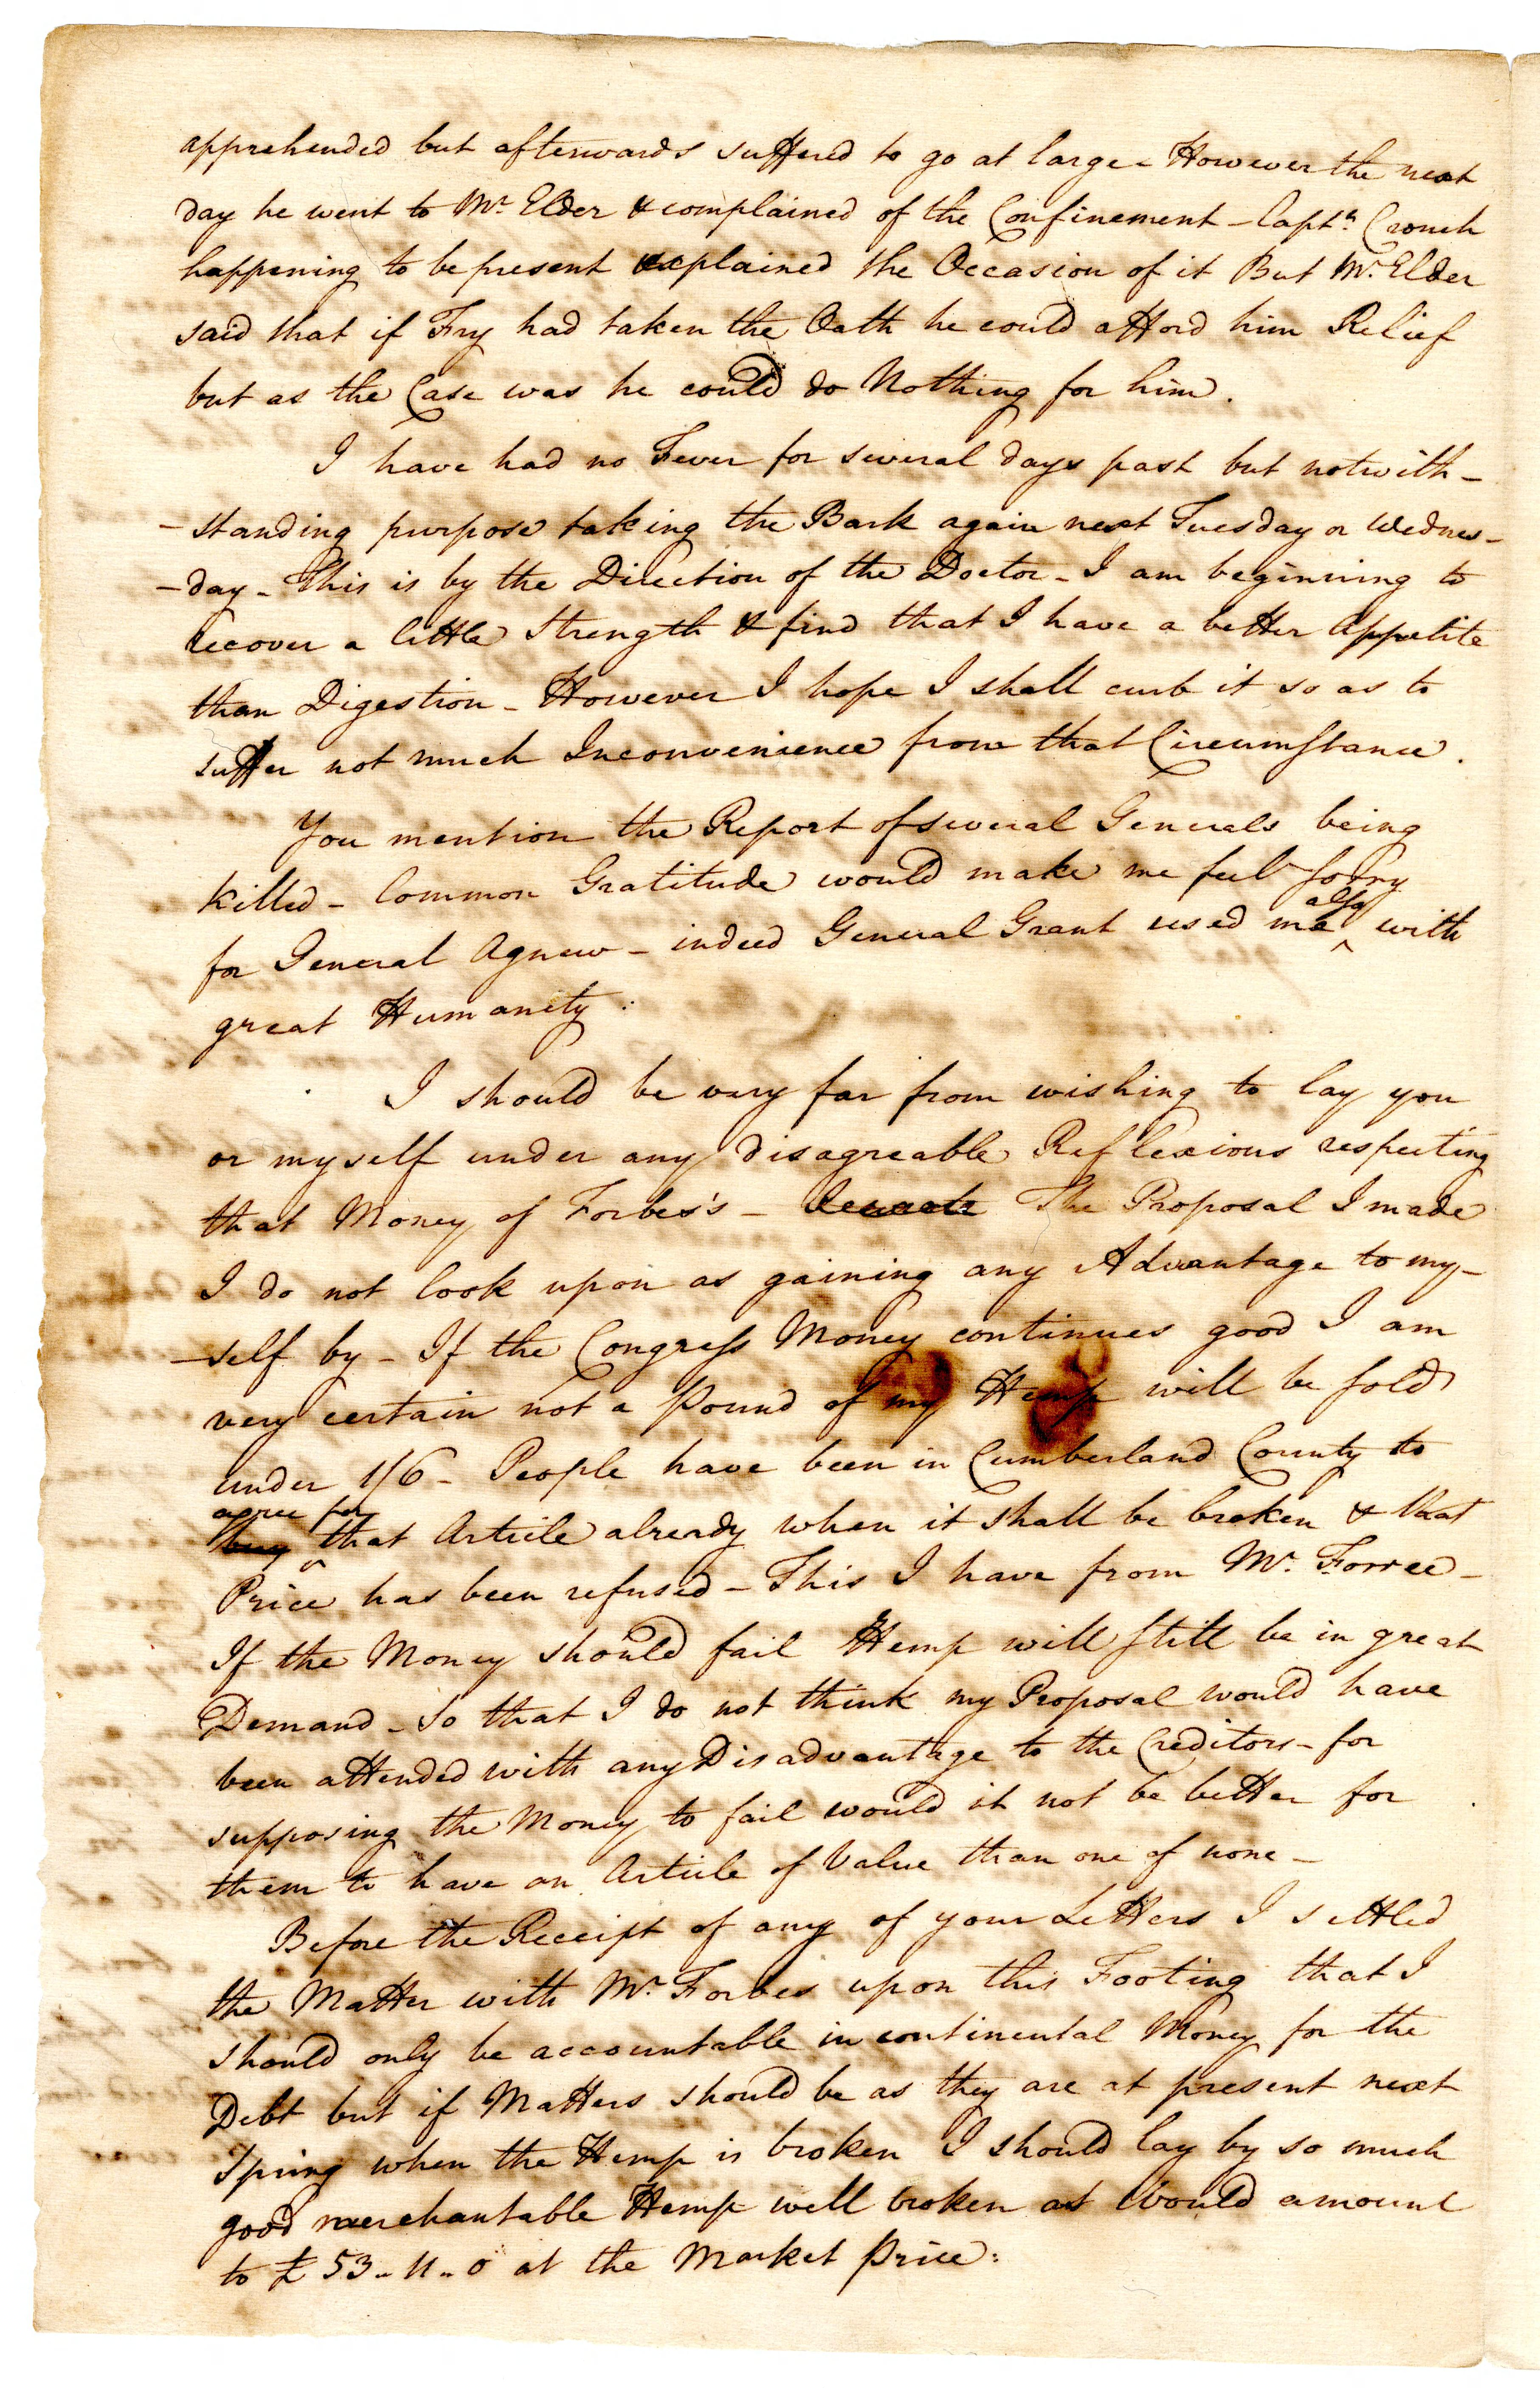apprehended but afterwards suffered to go at large. However the next
day he went to M^r. Elder & complained of the Confinement. Capt^n. Crouch
happening to be present explained the Occasion of it. But M^r. Elder
said that if Fry had taken the Oath he could afford him Relief
but as the Case was he could do Nothing for him.
I have had no Fever for several days past but notwith-
-standing purposes taking the Bark again next Tuesday or Wednes-
-day. This is by the Direction of the Doctor. I am beginning to
recover a little Strength & find that I have a better Appetite
than Digestion. However I hope I shall curb it so as to
suffer not much Inconvenience from that Circumstance.
You mention the Report of several Generals being
killed- Common Gratitude would make me ful sorry
also
for Generel Agnew- indeed General Grant used me ^ with
great Humanity:
I should be very far from wishing to lay you
or myself under any disagreable Reflexions respecting
that Money of Forbes's- [________] The Proposal I made
I do not look upon as gaining any Advantage to my-
-self by. If the Congress Money continues good I am
very certain not a pound of my Hemp will be sold
under 1s6- People have been in Cumberland County to
agree for
they ^ that Article already when it shall be broken & that
Price has been refused- This I have from M^r. Forree-
If the Money should fail Hemp will still be in great
Demand- So that I do not think my Proposal would have
been attended with any Disadvantage to the Creditors- for
supposing the Money to fail would it not be better for
them to have an Article of Value than one of none-
Before the Receipt of any of your Letters I settled
the Matter with M^r. Forbes upon this Footing that I
should only be accountable in continental Money for the
Debt but if Matters should be as they are at present next
spring when the Hemp is broken I should lay by so much
good merchantable Hemp well broken as would amount
to £53.11.0 at the Market Price: